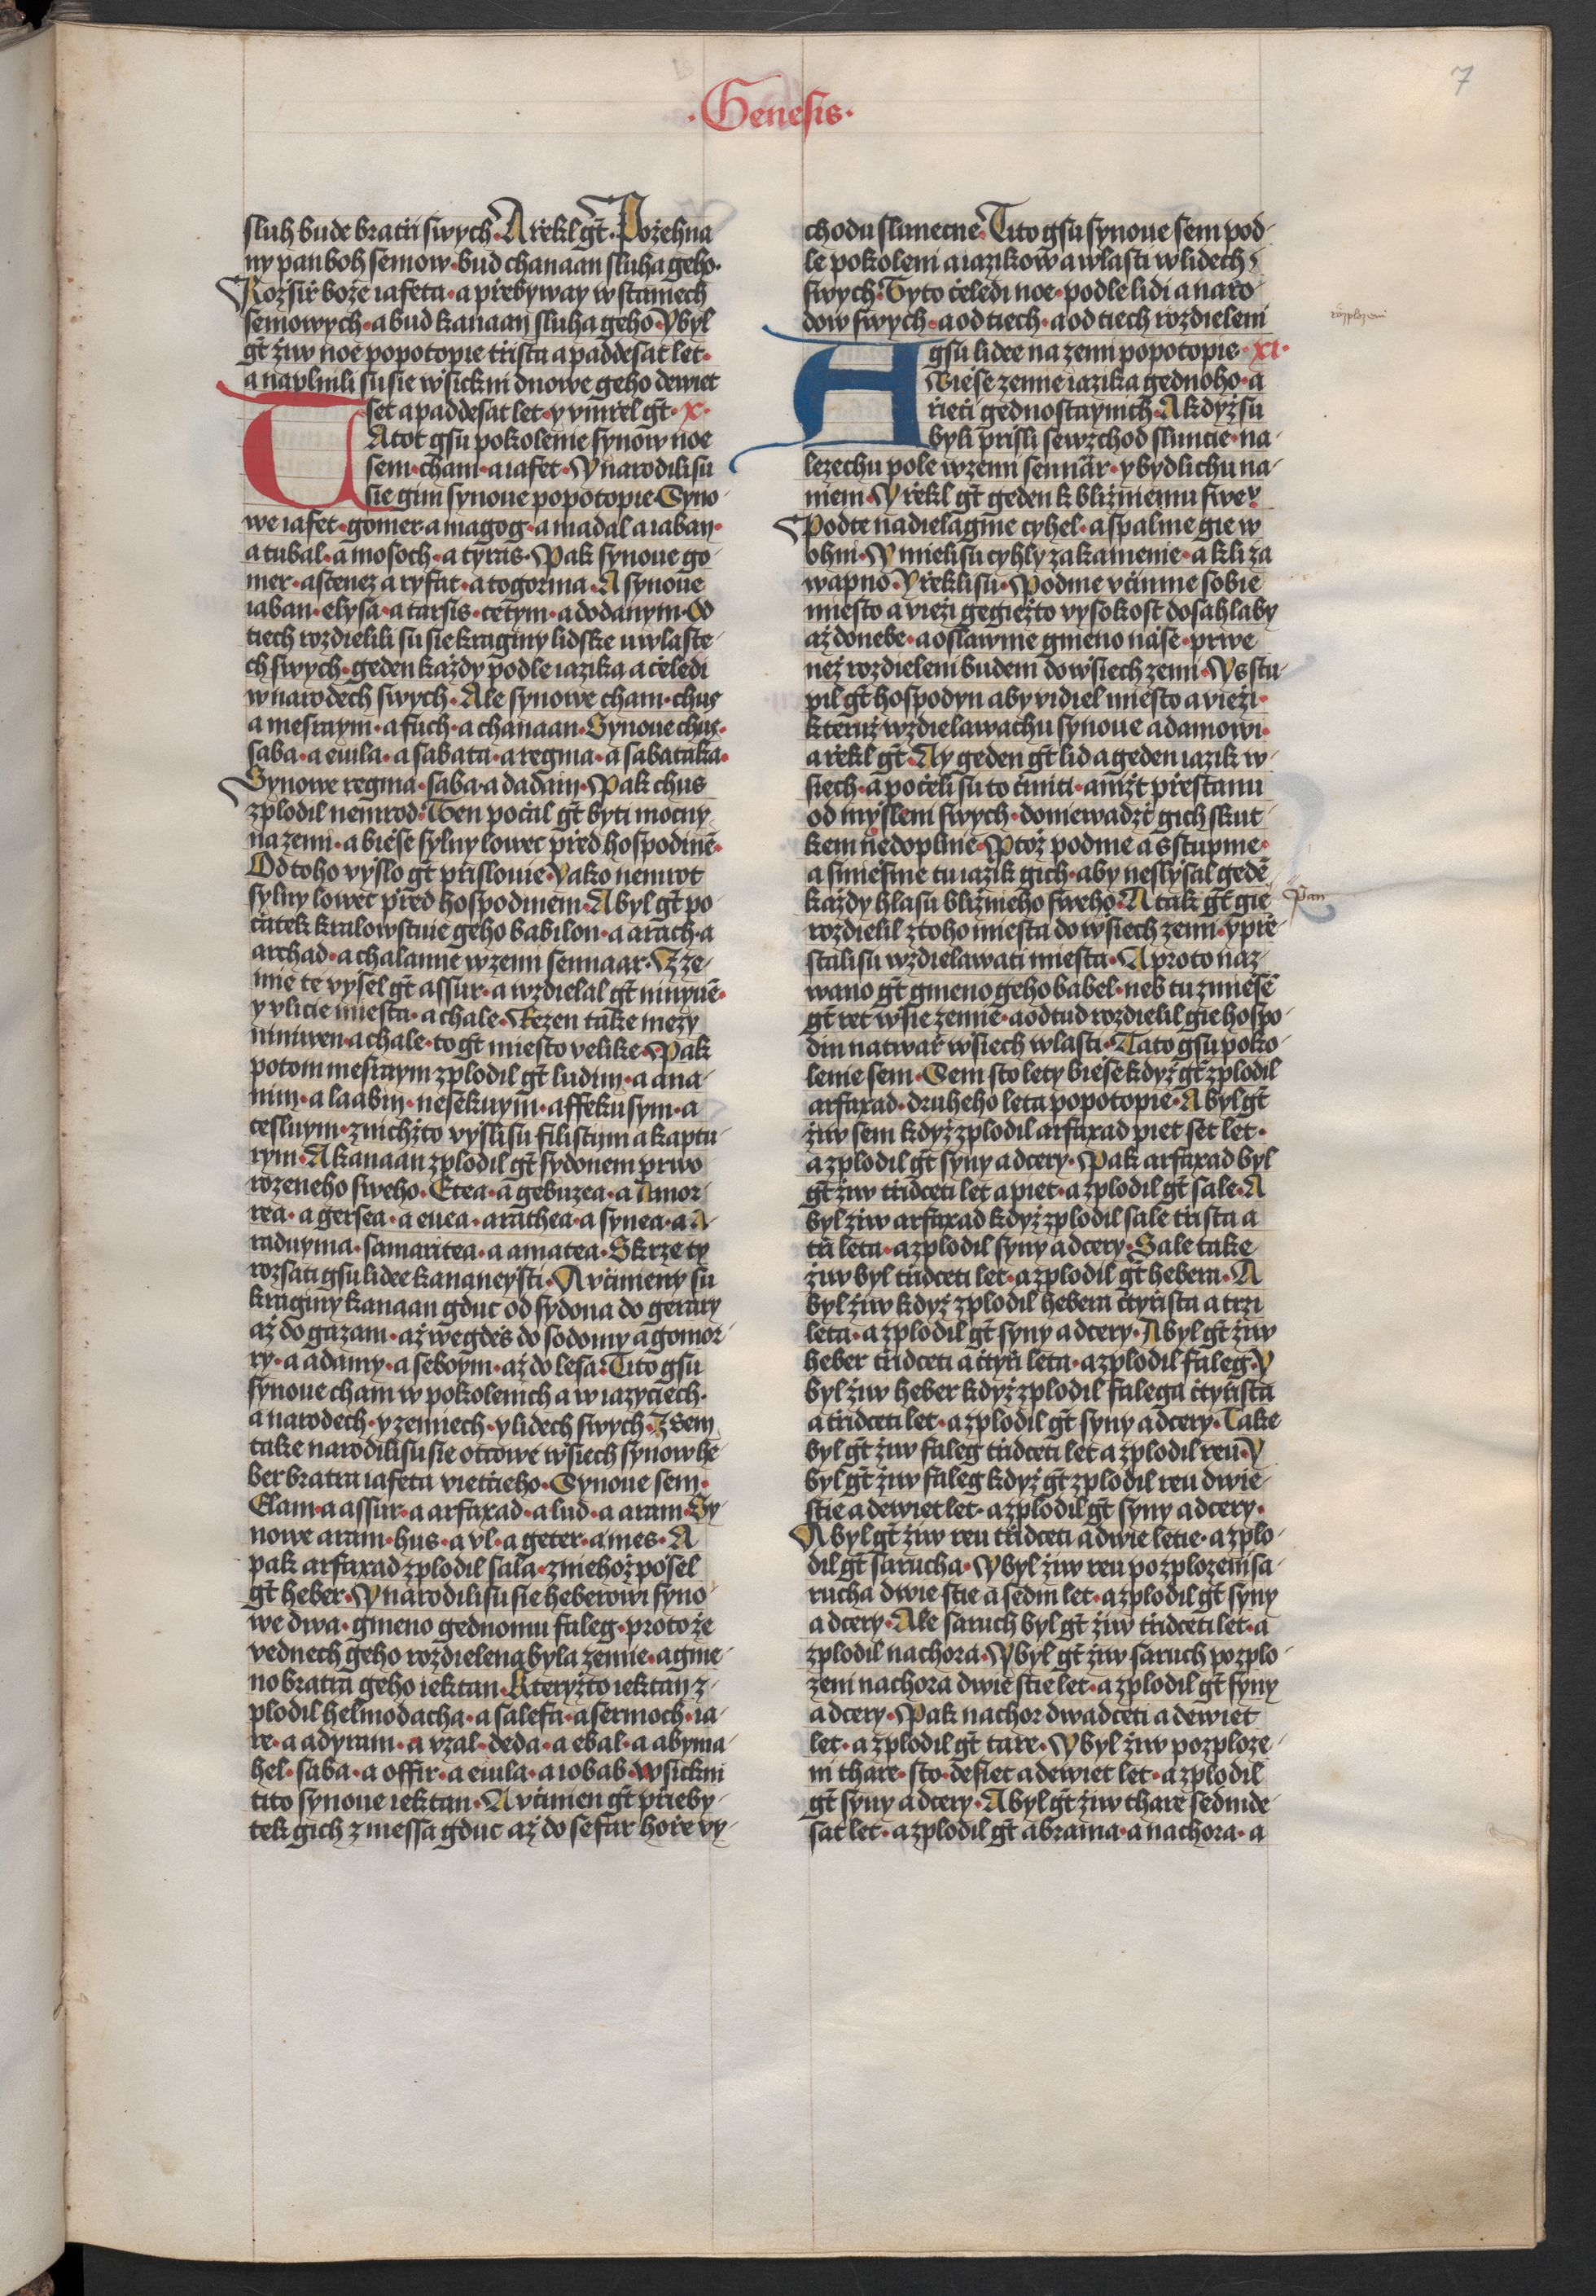.Geneſis.
ſluh bude bratṙí ſwych.A ṙekl ḡt.Pożehna¬
ny pan boh ſemow.bud chanaan ſluha geho.
Rozẛiṙ boże iafeta.a pṙebyway w ſtaniech
ſemowych.a bud kanaan ſluha geho.Ybyl¬
ḡt żiw noe popotopie tṙiſta a paddeſat let.
a naplnili ſu ſie wẛickni dnowe geho dewiet¬
ſet a paddeſat let.y vmṙel ḡt.x.
A tot gſu pokoleníe ſynow noe
ſem.cham.a iafet.Y narodili ſu
ſie gím ſynoue popotopie.Syno¬
we iafet.gomer.a magog.a madal a iaban.
a tubal.a moſoch.a tyras.Pak ſynoue go¬
mer.aſtenez a ryfat.a togorma.A ſynoue
iaban.elyſa.a tarſis.cetym.a dodanym.Od
tiech rozdielili ſu ſie kraginy lidſke u wlaſte¬
ch ſwych.geden każdy podle iazika a ċeledi
w narodech ſwych.Ale ſynowe cham.chus
a meſraym.a fuch.a chanaan.Synoue chus.
ſaba.a euila.a ſabata.a regma.a ſabataka.
Synowe regma.ſaba.a dalnin.Pak chus
zplodil nemrod.Wen poċal ḡt byti mocny
na zemi.a bieẛe ſylny lowec pṙed hoſpodínē.
Od toho vyẛlo ḡt pṙiſlouíe.Yako nemrot
ſylny lowec pṙed hoſpodinem.A byl ḡt po¬
ċatek kralowſtuie geho babilon.a arach.a
archad.a chalamie wzemi ſemnaar.Z ze¬
mie te vyẛel ḡt aſſur.a wzdielal ḡt ninyuē.
y vlicie mieſta.a chale.Rezen take mezy
niniwen.a chale.to ḡt míeſto velike.Pak
potom meſraym zplodil ḡt ludim.a ana¬
nim.a laabin.neſekuym.affeku ſym.a
teſluym.znichżto vyẛli ſu filiſtijm a kaptu¬
rym.A kanaan zplodil ḡt ſydonem prwo¬
rozeneho ſweho.Etea.a gebuzea.a Amor¬
rea.a gerſea.a euea.arathea.a ſynea.a A¬
raduyma.ſamaritea.a amatea.Skrze ty
rozſati gſu lidee kananeyẛtí.A vċinieny ſu
kraginy kanaan gduc od ſydona do gerary
aż do gazam.aż wegdeṡ do ſodomy a gomor¬
ry.a adamy.a ſeboym.aż do leſa.Tito gſu
ſynoue cham w pokolenich a wiazyciech.
a narodech.y zemiech.ylidech ſwych.Zsem
take narodiliſu ſie otcowé wẛiech ſynow he¬
ber bratra iaſeta vietċieho.Synoue ſem.
Elam.a aſſur.a arfaxad.a lud.a aram. Sy¬
nowe aram. hus.a vl.a geter.ames. A
yak arfarad zplodil ſala.zniehoż poẛel
ḡt heber.Ynarodiliſu ſie heberowi ſyno¬
we dwa.gmeno gednomu faleg.proto że¬
vednech geho rozdíelena byla zemie.a gme¬
no bratra gehy iektan.Kteryżto iektan z¬
plodil helmodacha.a ſalefa.a ſermoch.ia¬
de.a adyram.a vzal.deda.a ebal.a abyma¬
hel.ſaba.a offir.a euila.a iobab.Wẛickni
tito ſynoue iektan.A vċiníen ḡt pṙieby¬
tek gich z meſſa gduc aż do ſefar hoṙe vy¬
chodu ſlunecne.Tito gſu ſynoue ſem pod¬
le pokolení a iazikow a wlaſti wlidech
ſwych.Tyto ċeledi noe.podle lidi a naro¬
dow ſwych.a od tiech.a od tiech rozdieleni
gſu lidee na zemi popotopie.xi.
Bieẛe zemie iazika gednoho.a
ṙieċí gednoſtaynich.A kdyż ſu
byli pṙiẛli ſewzchod ſluncie.na¬
lezechu pole wzemí ſennar.ybydlichu na¬
niem.Y ṙekl ḡt geden k bliżníemu ſwev
Podte nadielagme cyhel.a ſpalnie gie w
ohni.Y mieliſu cyhly zakamenie.a kli za
wapno.Yṙekli ſu.Podme vċinmie ſobie
míeſto a vieżi gegíeżto vyſokoſt doſahlaby
aż donebe.a oſlawnie gmeno naẛe.prwe
neż rozdieleni budem do wẛiech zemí.Ysſtu¬
pil ḡt hoſpodyn aby vidiel mieſto a vieżi.
kteruż wzdielawachu ſynoue adamowi.
a ṙekl ḡt.Ay geden ḡt lid a geden iazik w¬
ſiech.a poċeli ſu to ċiniti.aníżt pṙeſtanu
od myẛlení ſwych.doniewadżt gich ſkut¬
kem nedoplnie.Ꝓtoż podme a sſtupme.
a ſmieẛnie tu iazik gich.aby neſlyẛal gedē
każdy hlaſu bliżníeho ſweho. A tak ḡt gie
rozdielil ztoho mieſta do wẛiech zemi.y pṙe¬
ſtaliſu wżdielawati mieſta.A proto naz¬
wano ḡt gmeno geho babel.neb tu zmieẛē
ḡt ret wẛie zemie.a odtud rozdielil gie hoſpo¬
din natwaṙ wẛiech wlaſtí.Tato gſu poko¬
lenie ſem.Gem ſto lety bieẛe kdyż ḡt zplodil
arfarad.druheho leta popotopie.A byl ḡt
żiw ſem kdyż zplodil arfaxad piet ſet let.
a zplodil ḡt ſyny a dcery.Pak arfaxad byl
ḡt żiw tṙidceti let a piet.a zplodil ḡt ſale.A
byl żiw arfaxad kdyż zplodil ſale tṙiſta a
tṙi leta.a zplodil ſyny a dcery.Sale take
żiw byl tṙidceti let.a zplodil ḡt hebera.A
byl żiw když zplodil hebera ċtyṙiſta a trzi¬
leta.a zplodil ḡt ſyny a dcery.Abyl ḡt żiw
heber tṙidceti a ċtyṙi leta.a zplodil faleg.Y
byl żiw heber kdyż zplodil falega ċtyṙiſta
a tṙidceti let.a zplodil ḡt ſyny a dcery.Take
byl ḡt żiw faleg tṙidceti let a zplodil reu.Y
byl ḡt żiw faleg kdyż ḡt zplodil reu dwie¬
ſtie a dewiet let.a zplodil ḡt ſyny a dcery.
A byl ḡt żn reu tṙidceti a dwie letie.a zplo¬
dil ḡt ſarucha.Ybyl żiw reu pozplozeni ſa¬
rucha dwie ſtie a ſedm let.a zplodil ḡt ſyny
a dcery.Ale ſaruch byl ḡt żiw tṙidceti let.a
zplodil nachora.Ybyl ḡt żiw ſaruch pozplo¬
zení nachora dwie ſtie let.a zplodil ḡt ſyny
a dcery.Pak nachor dwadceti a dewiet
let.a zplodil ḡt tare.Ybyl żn pozploze¬
n thare.ſto.deſiet a dewiet let.a zplodil
ḡt ſyny a dcery.Abyl ḡt żiw thare ſedmde¬
ſat let.a zplodil ḡt abrama.a nachora.a
Pan